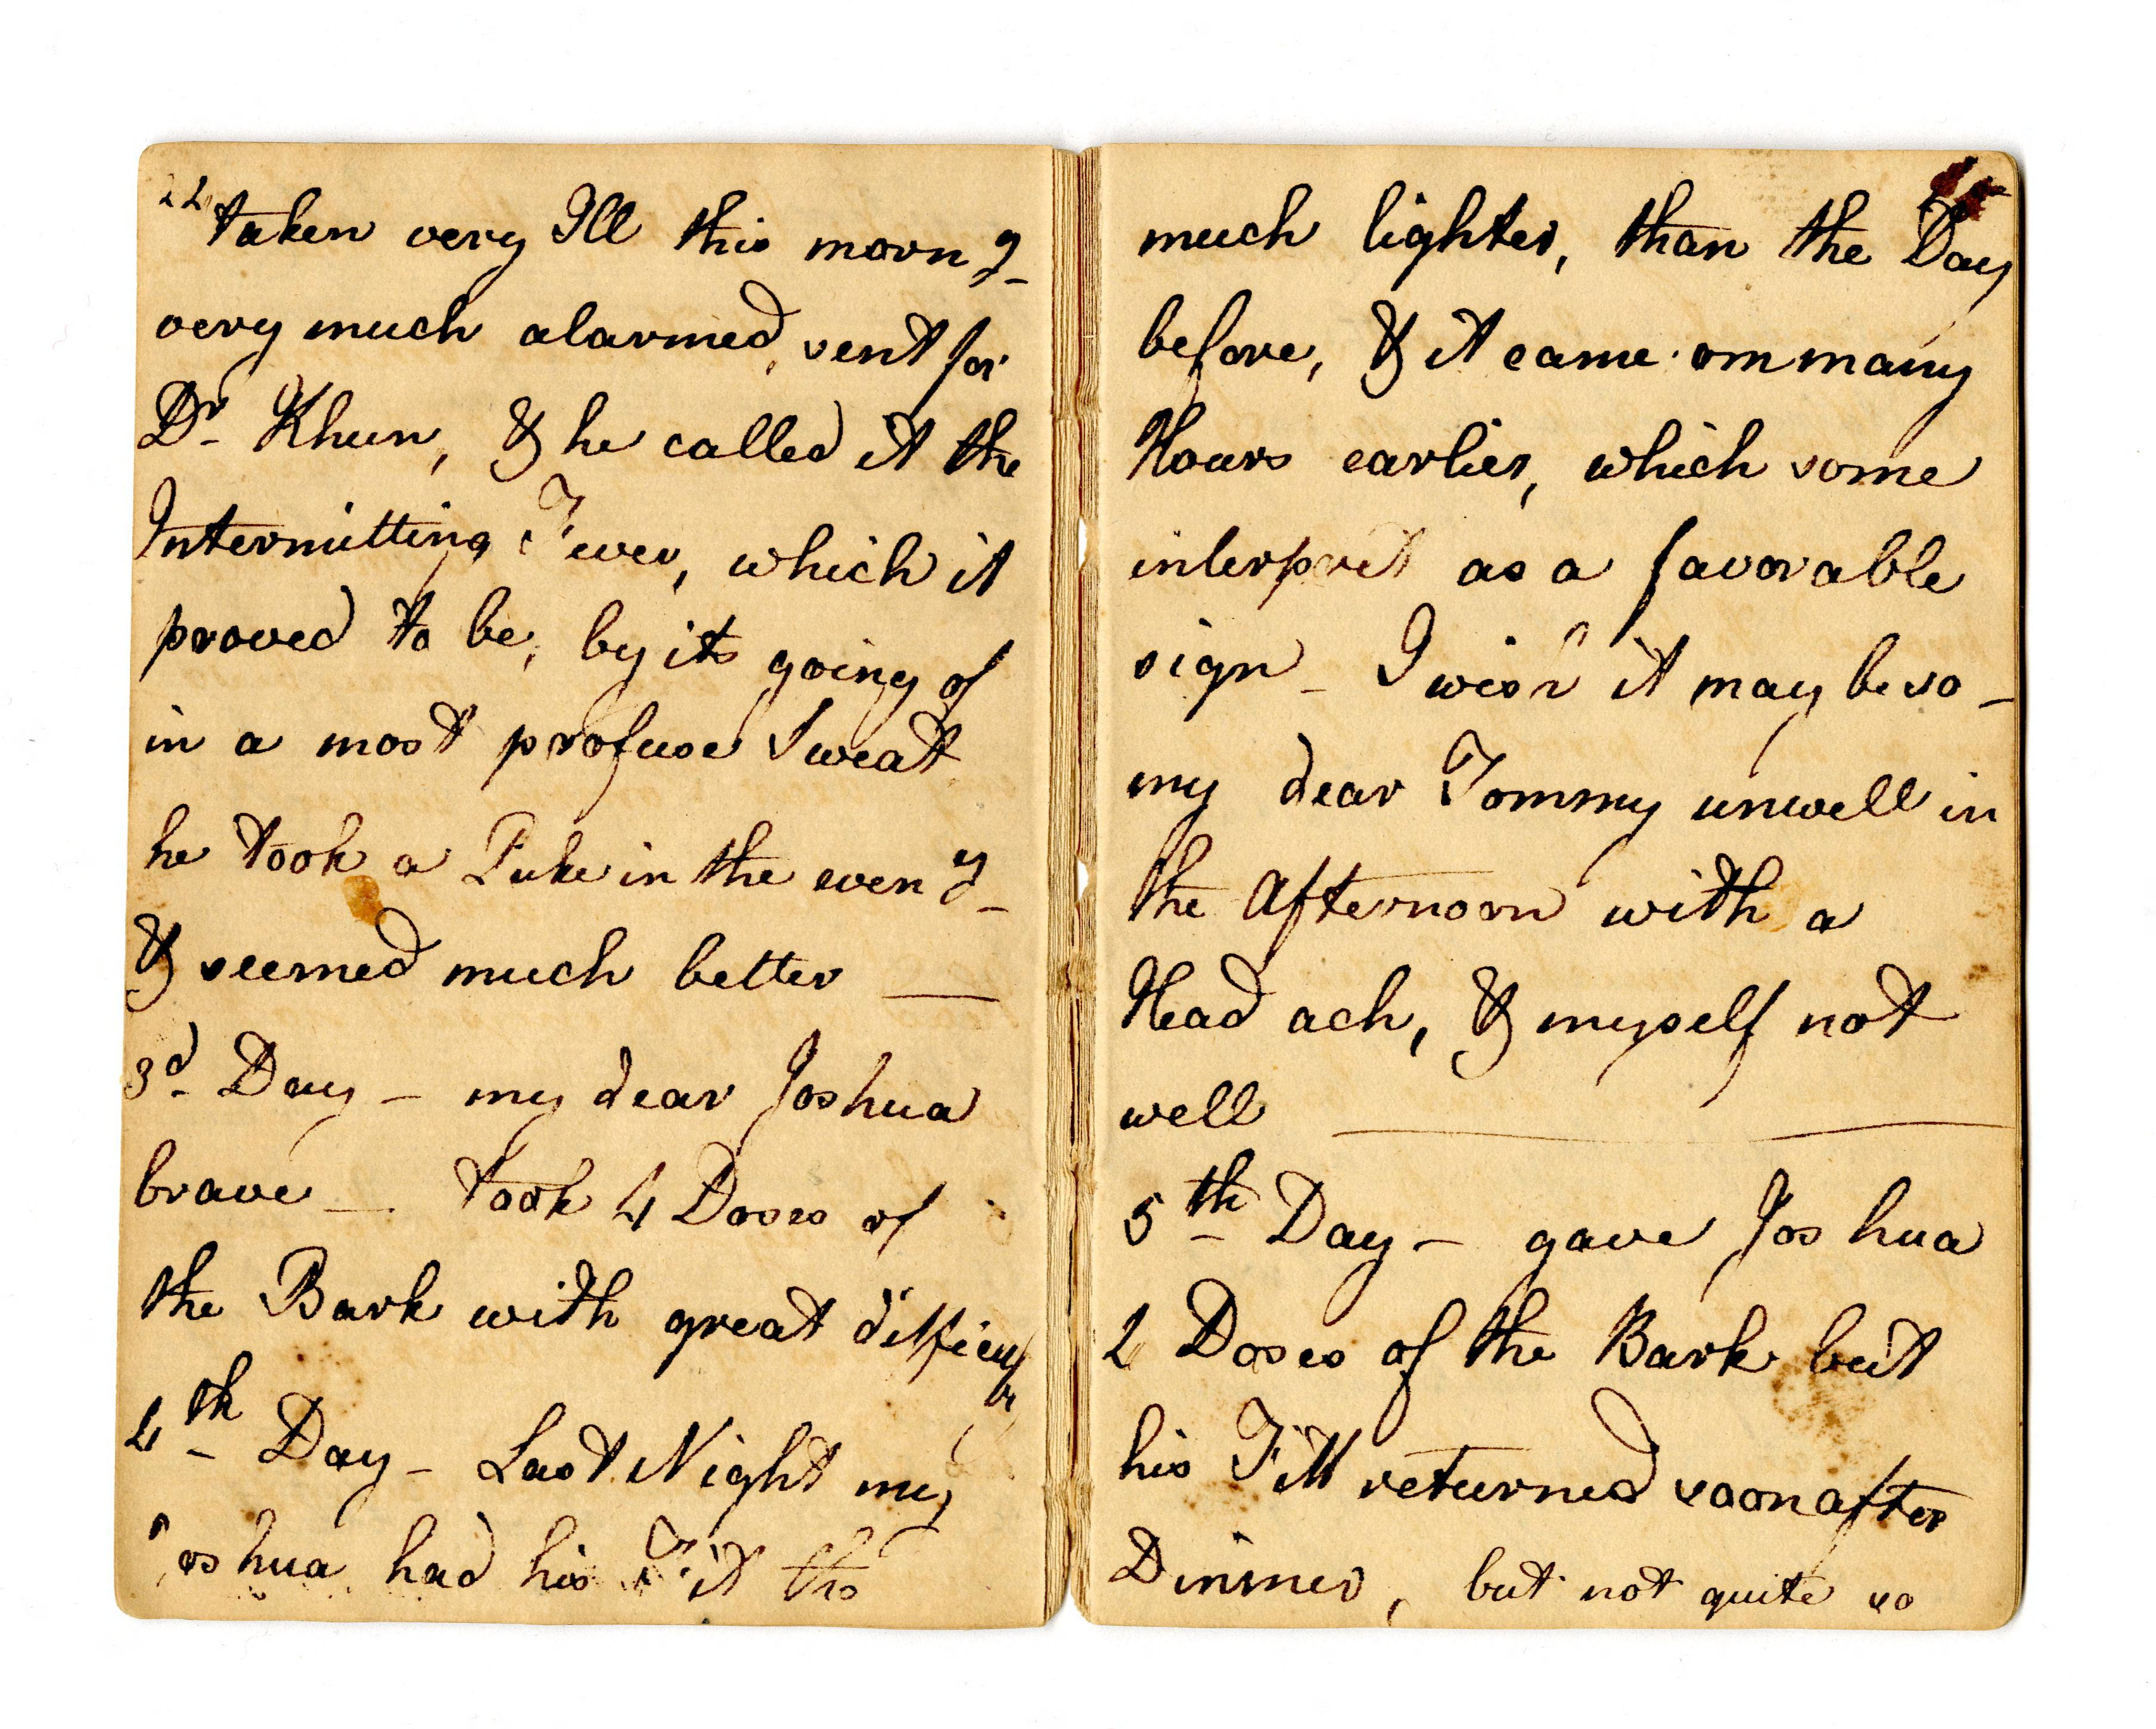22
taken very Ill this morn^g
very much alarmed, sent for
D^r. Khun, & he called it the
Intermitting Fever, which it
proved to be, by its going of
in a most profuse Sweat
he took a Puke in the even^g
& seemed much better
3^d. Day- my dear Joshua
brave- took 4 Doses of
the Bark with great difficuly
4^th Day- Last Night my
Joshua had his Fitt tho
[__]
much lighter, than the Day
before, & it came om many
Hours earlier, which some
interpret as a favorable
sign- I wish it may be so
my dear Tommy unwell in
the Afternoon with a
Head ach, & myself not
well
5^th Day- gave Joshua
2 Doses of the Bark but
his Fitt returned soon after
Dinner, but not quite so